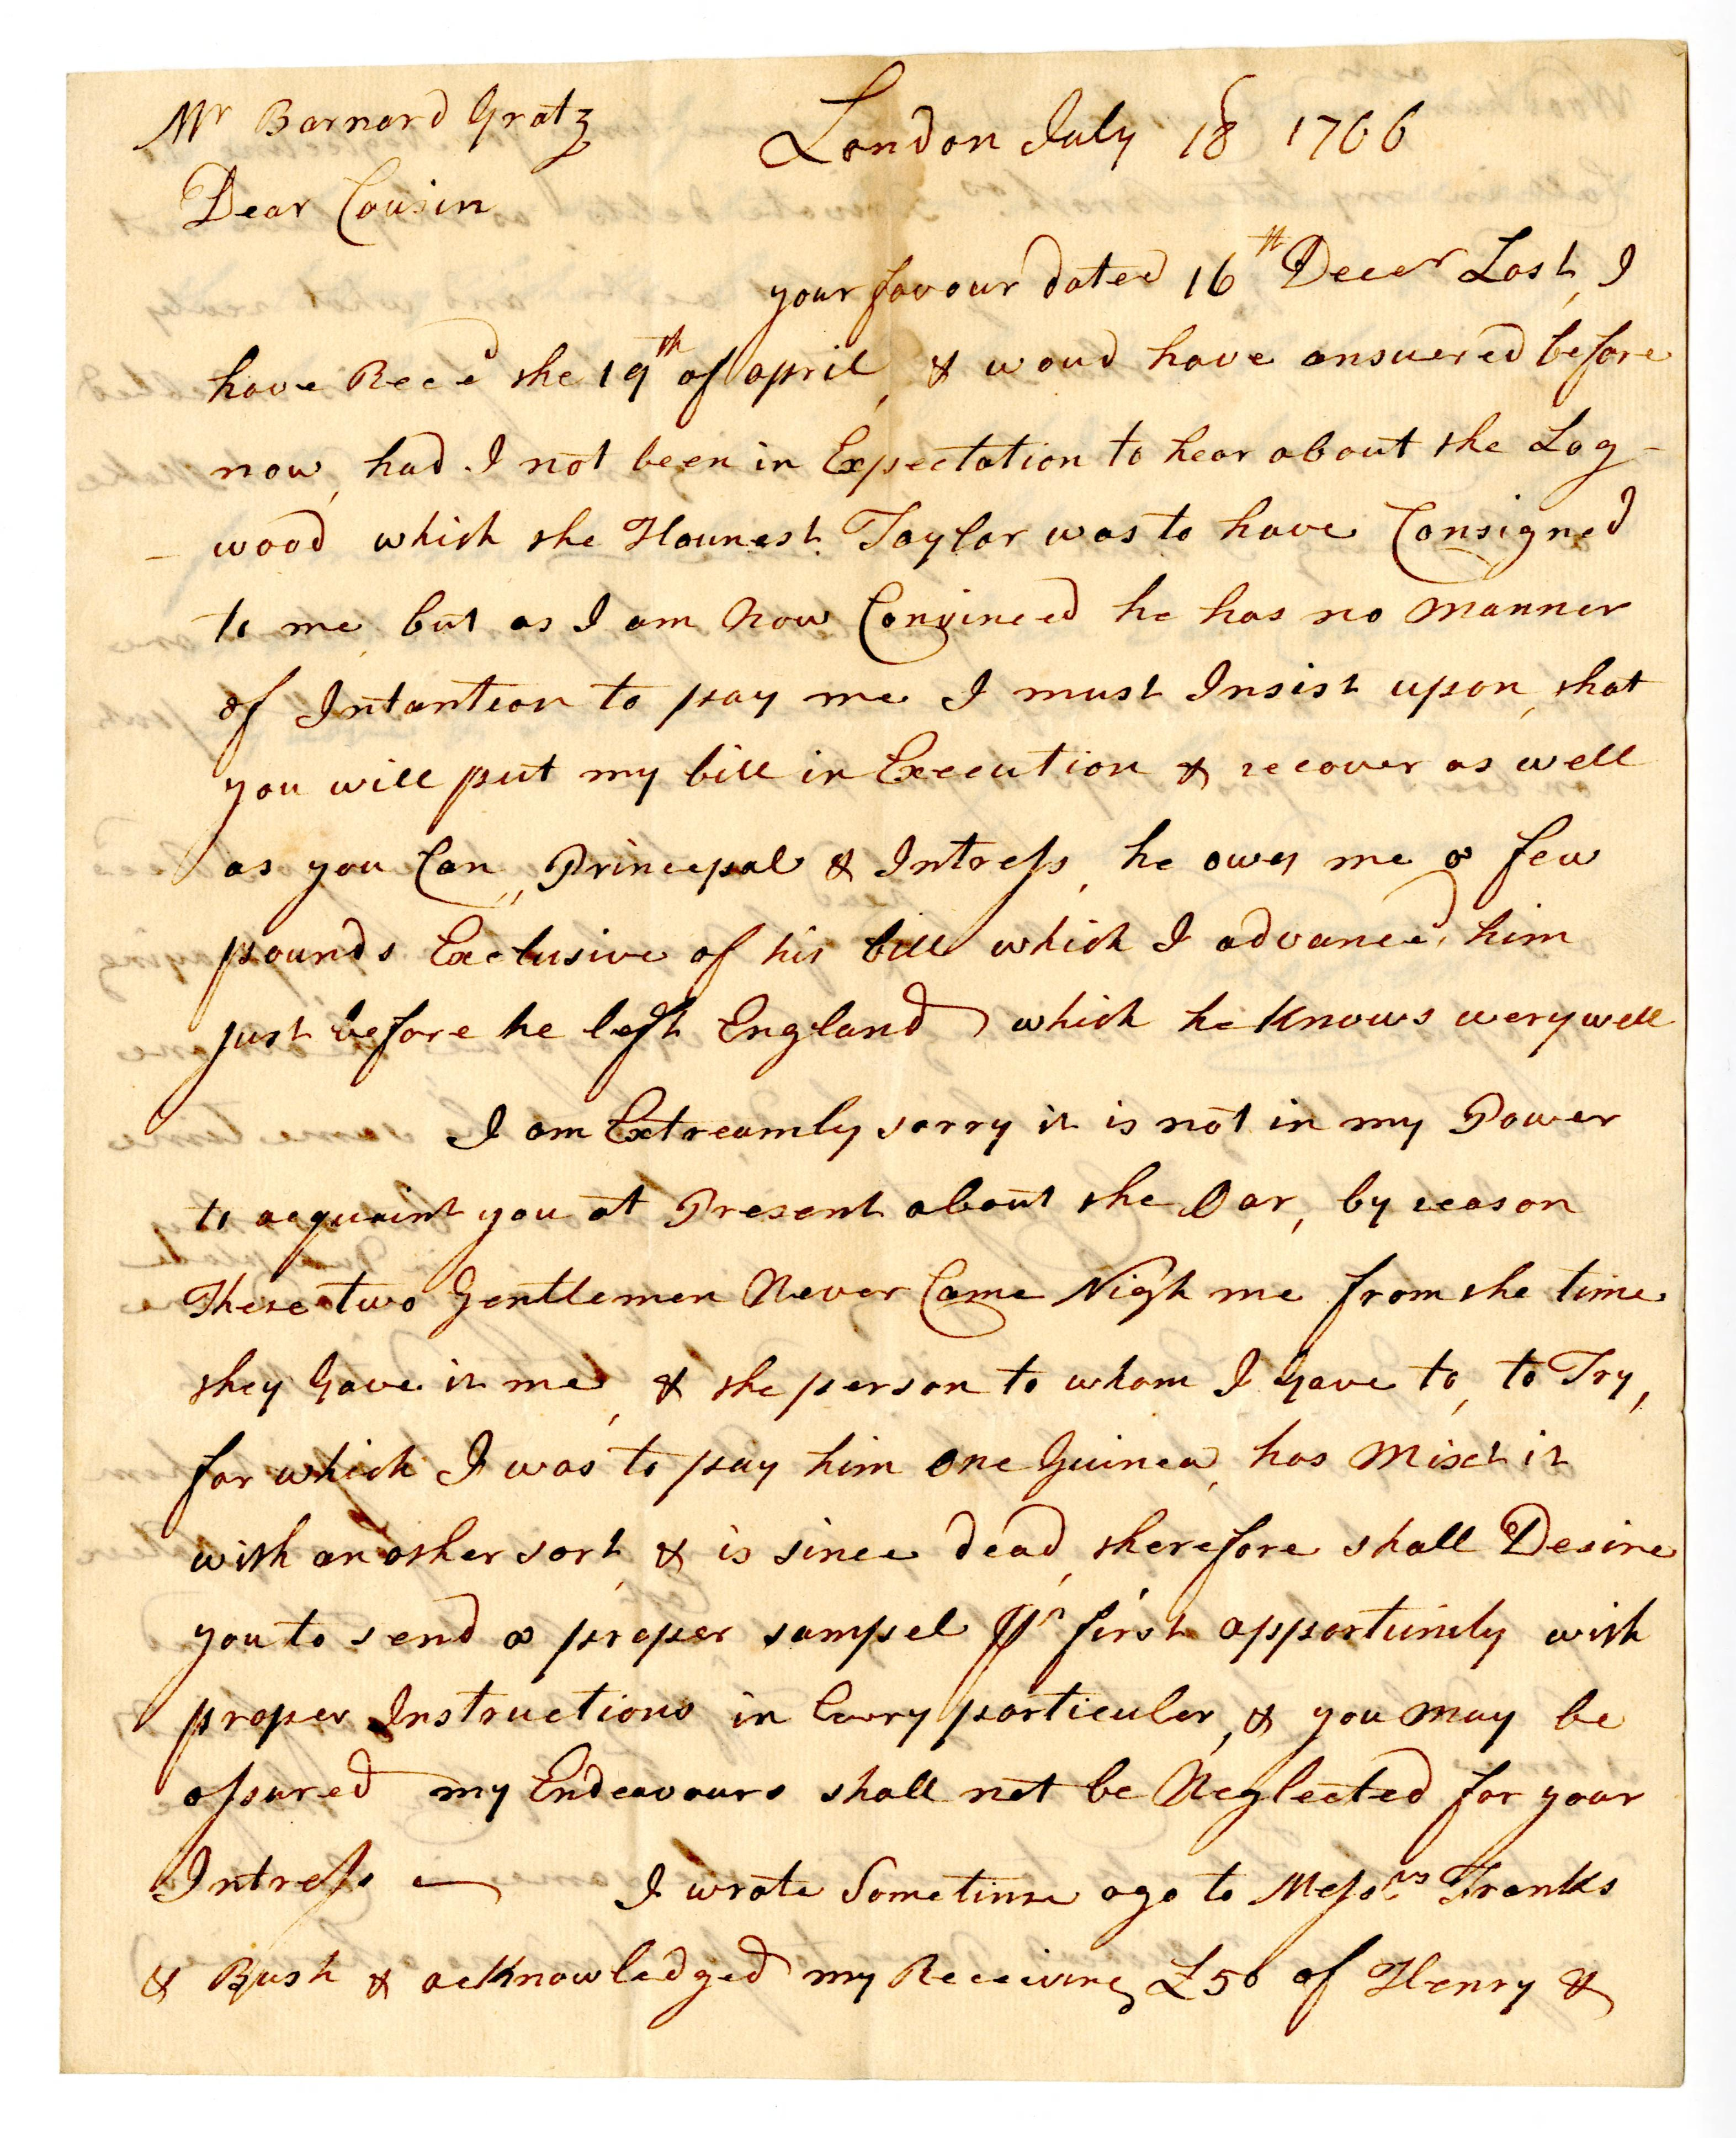London July 18 1766
M^r. Barnard Gratz
Dear Cousin
your favour dated 16^th Dece^r Last, I
have Rece^d the 19^t. of April, & would have Answered before
now, had I not been in Expectation to hear about the Log
-wood which the Hounest Taylor was to have Consigned
to me but as I am now Convinced he has no manner
of Intention to pay me I must Insist upon that
you will put my bill in Execution & recover as well
as you Can, principal & Intress, he owes me a few
pounds Exclusive of his bill which I advance him
just before he left England which he knows very well
I am Extreamly sorry it is not in my Power
to acquaint you at Present about the Dar, by reason
These two Gentlemen Never Came Nigh me from the time
they Gave in me & the person to whom I Gave to, to Try
for which I was to pay him one Guinea, his Misch in
with an other sort & is since dead therefore shall Desire
you to send a proper sampel p^r first opportunity with
& proper Instructions in Every particuler, & you may be
assured my Endeavours shall not be neglected for your
Intress- I wrote sometime ago to Mess^rs. Franks
& Bush & acknowledged my Receiving £50 of Henry &